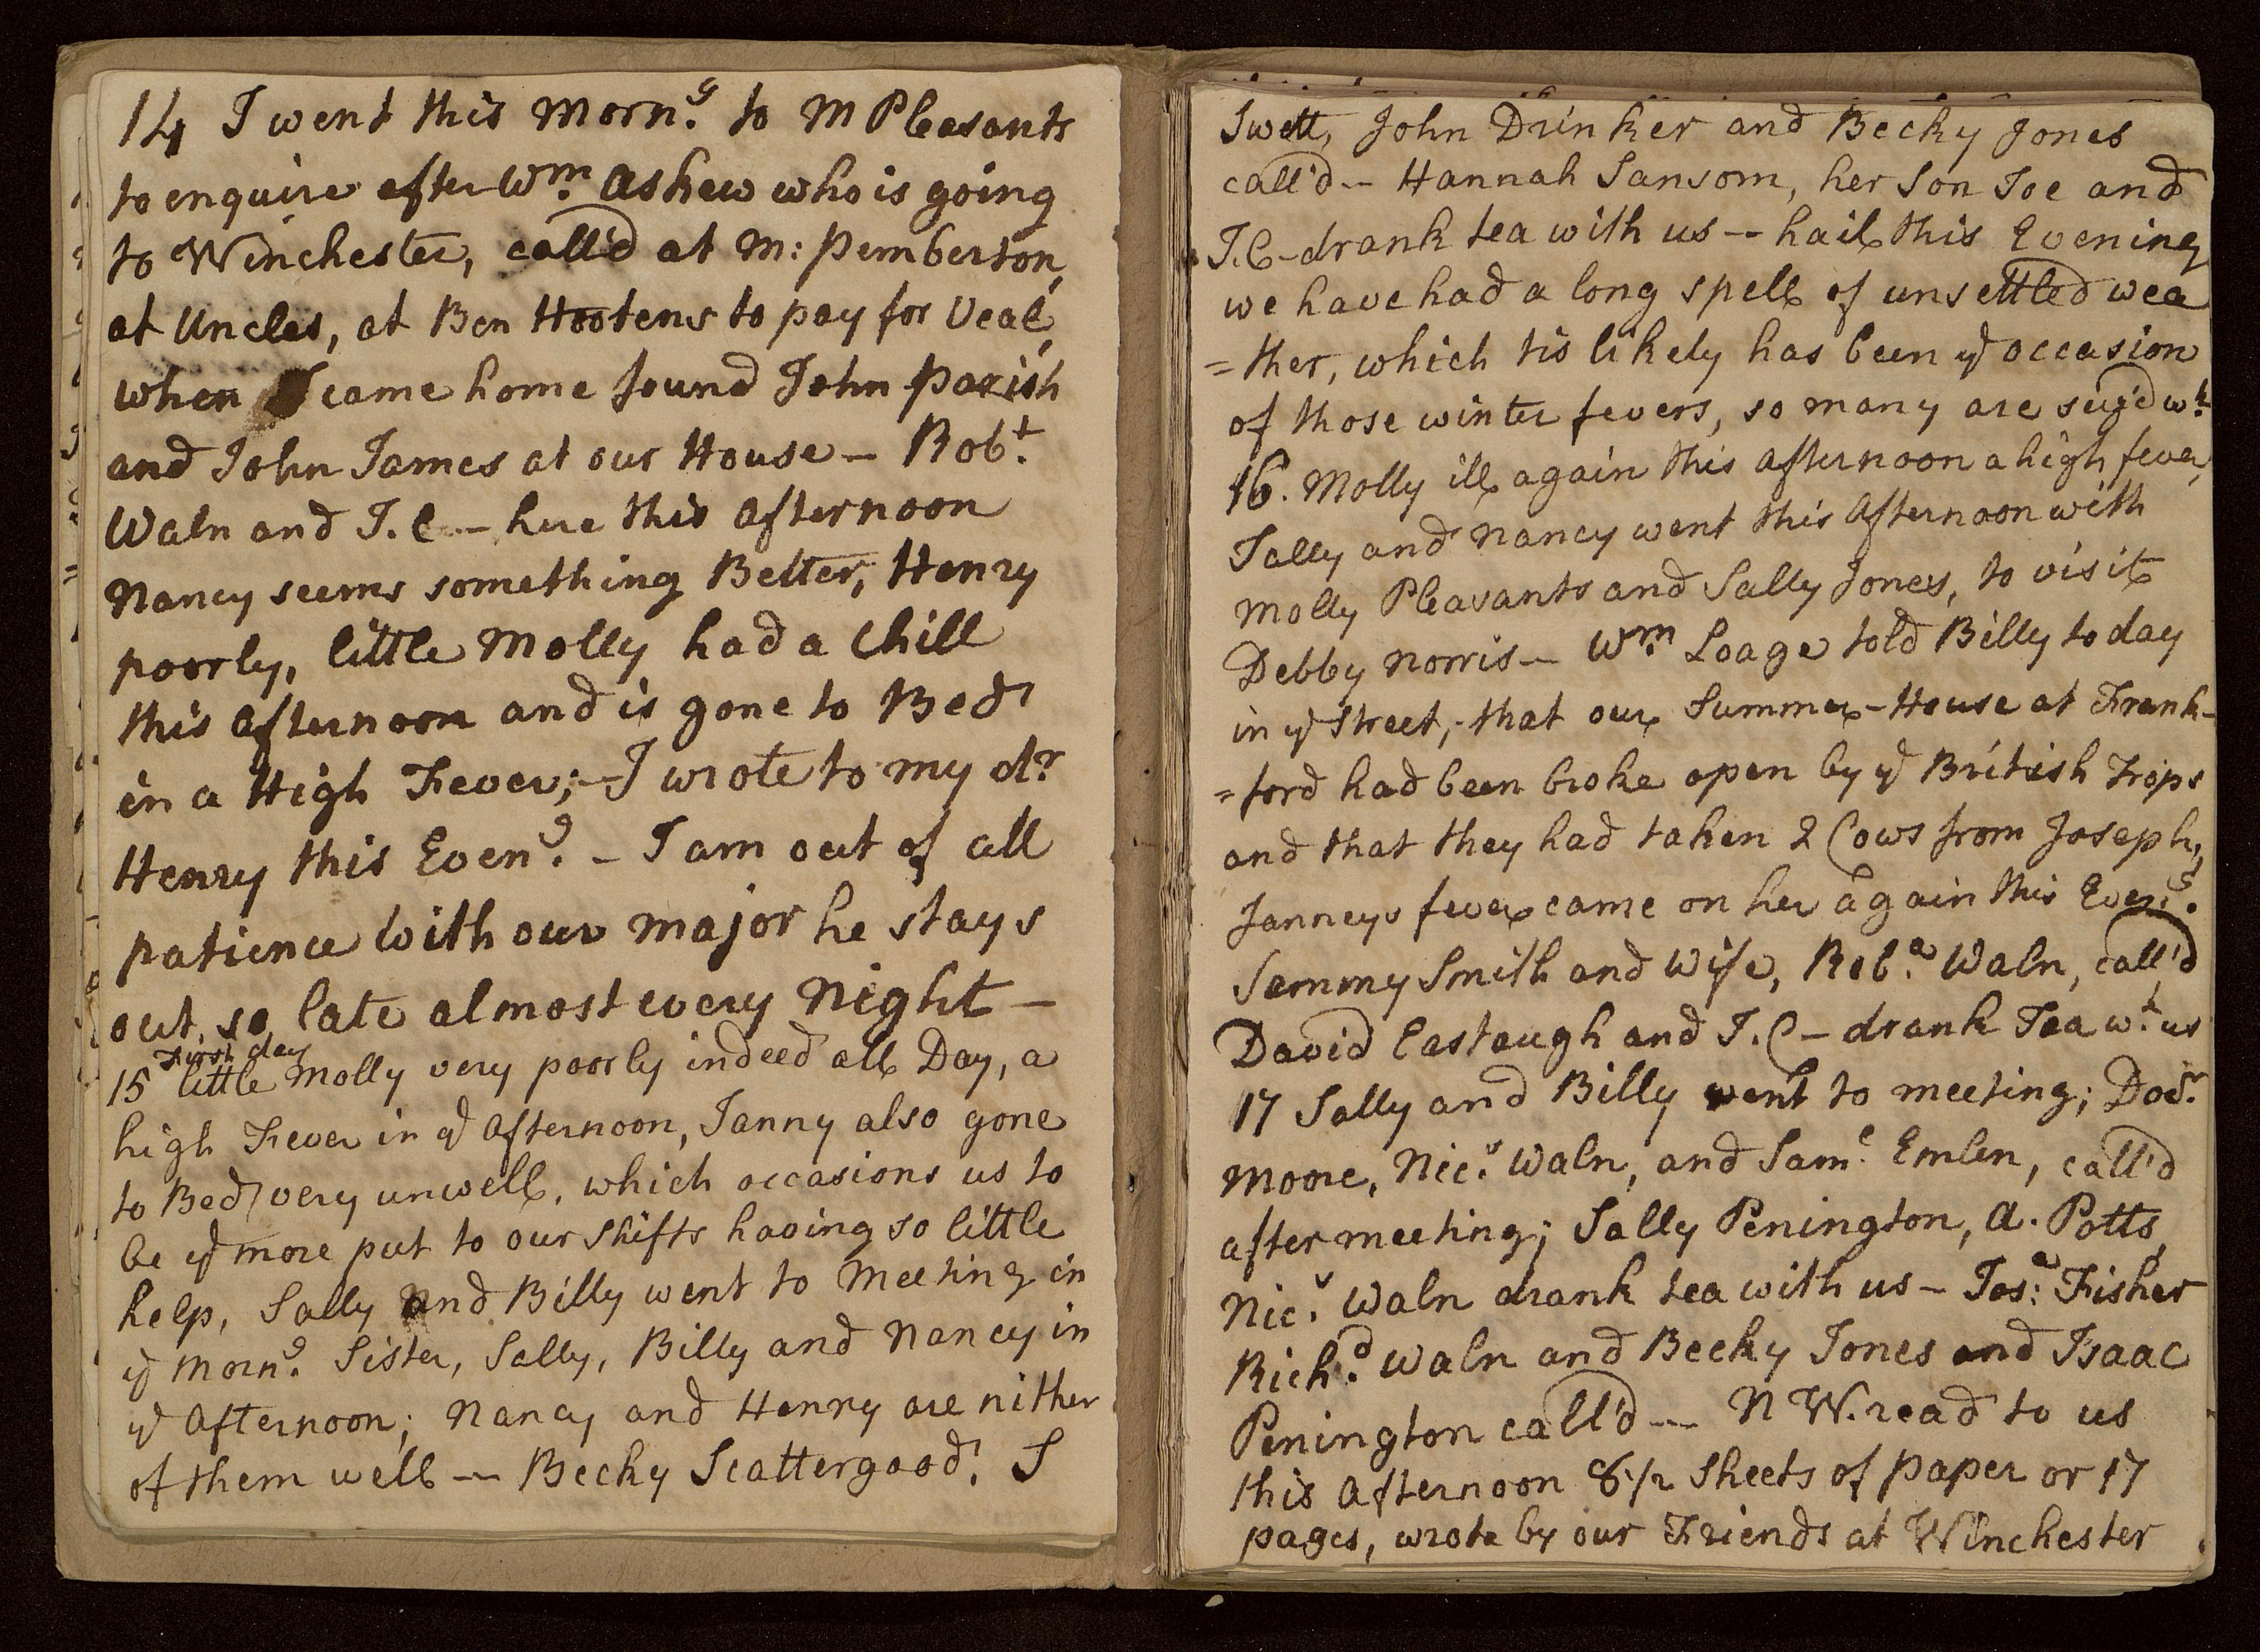14 I went this Morn^g. to M Pleasants
to enquire after W^m. Askew who is going
to Winchester, call'd at M: Pemberton,
at Uncles, at Ben Hootens to pay for Veal
when I came home found John parish
and John James at our House- Rob^t.
Waln and J.C- here this afternoon
Nancy seems something Better, Henry
poorly, little Molly had a chill
this afternoon and is gone to Bed
in a High Fever;- I wrote to my d^r.
Henry this Even^g.- I am out of all
patience with our major he stays
out, so late almost every night-
First day
15 little Molly very poorly indeed all Day, a
high Fever in y^e afternoon, Janny also gone
to Bed very unwell, which occasions us to
be y^e more put to our shifts having so little
help, Sally and Billy went to Meeting in
y^e Morn^g. Sister, Sally, Billy and Nancy in
y^e Afternoon, Nancy and Henry are nither
of them well- Becky Scattergood. S
Swett, John Drinker and Becky Jones
call'd- Hannah Sansom, her Son Joe and
J.C- drank tea with us- hail this Evening
we have had a long spell of unsettled wea
-ther, which tis likely has been y^e occasion
of those winter fevers, so many are seiz'd w^h.
16. Molly ill again this afternoon a high fever,
Sally and Nancy went this afternoon with
Molly Pleasants and Sally Jones, to visit
Debby Norris- W^m. Loage told Billy today
in y^e street, that our Summer-House at Frank-
-ford had been broke open by y^e British Trops
and that they had taken 2 Cows from Joseph,
Janneys fever came on her again this Even^g.
Sammy Smith and Wife, Reb^a. Waln, call'd
David Eastaugh and J.C- drank Tea w^h. us
17 Sally and Billy went to meeting; Doc.^r
Moore, Nic^s. Waln, and Sam^l. Emlen, call'd
after meeting; Sally Penington, A. Potts
Nic^s. Waln drank tea with us- Jos^a: Fisher
Rich^d. Waln and Becky Jones and Isaac
Penington call'd- N W. read to us
this afternoon 8 1/2 Sheets of paper or 17
pages, wrote by our Friends at Winchester